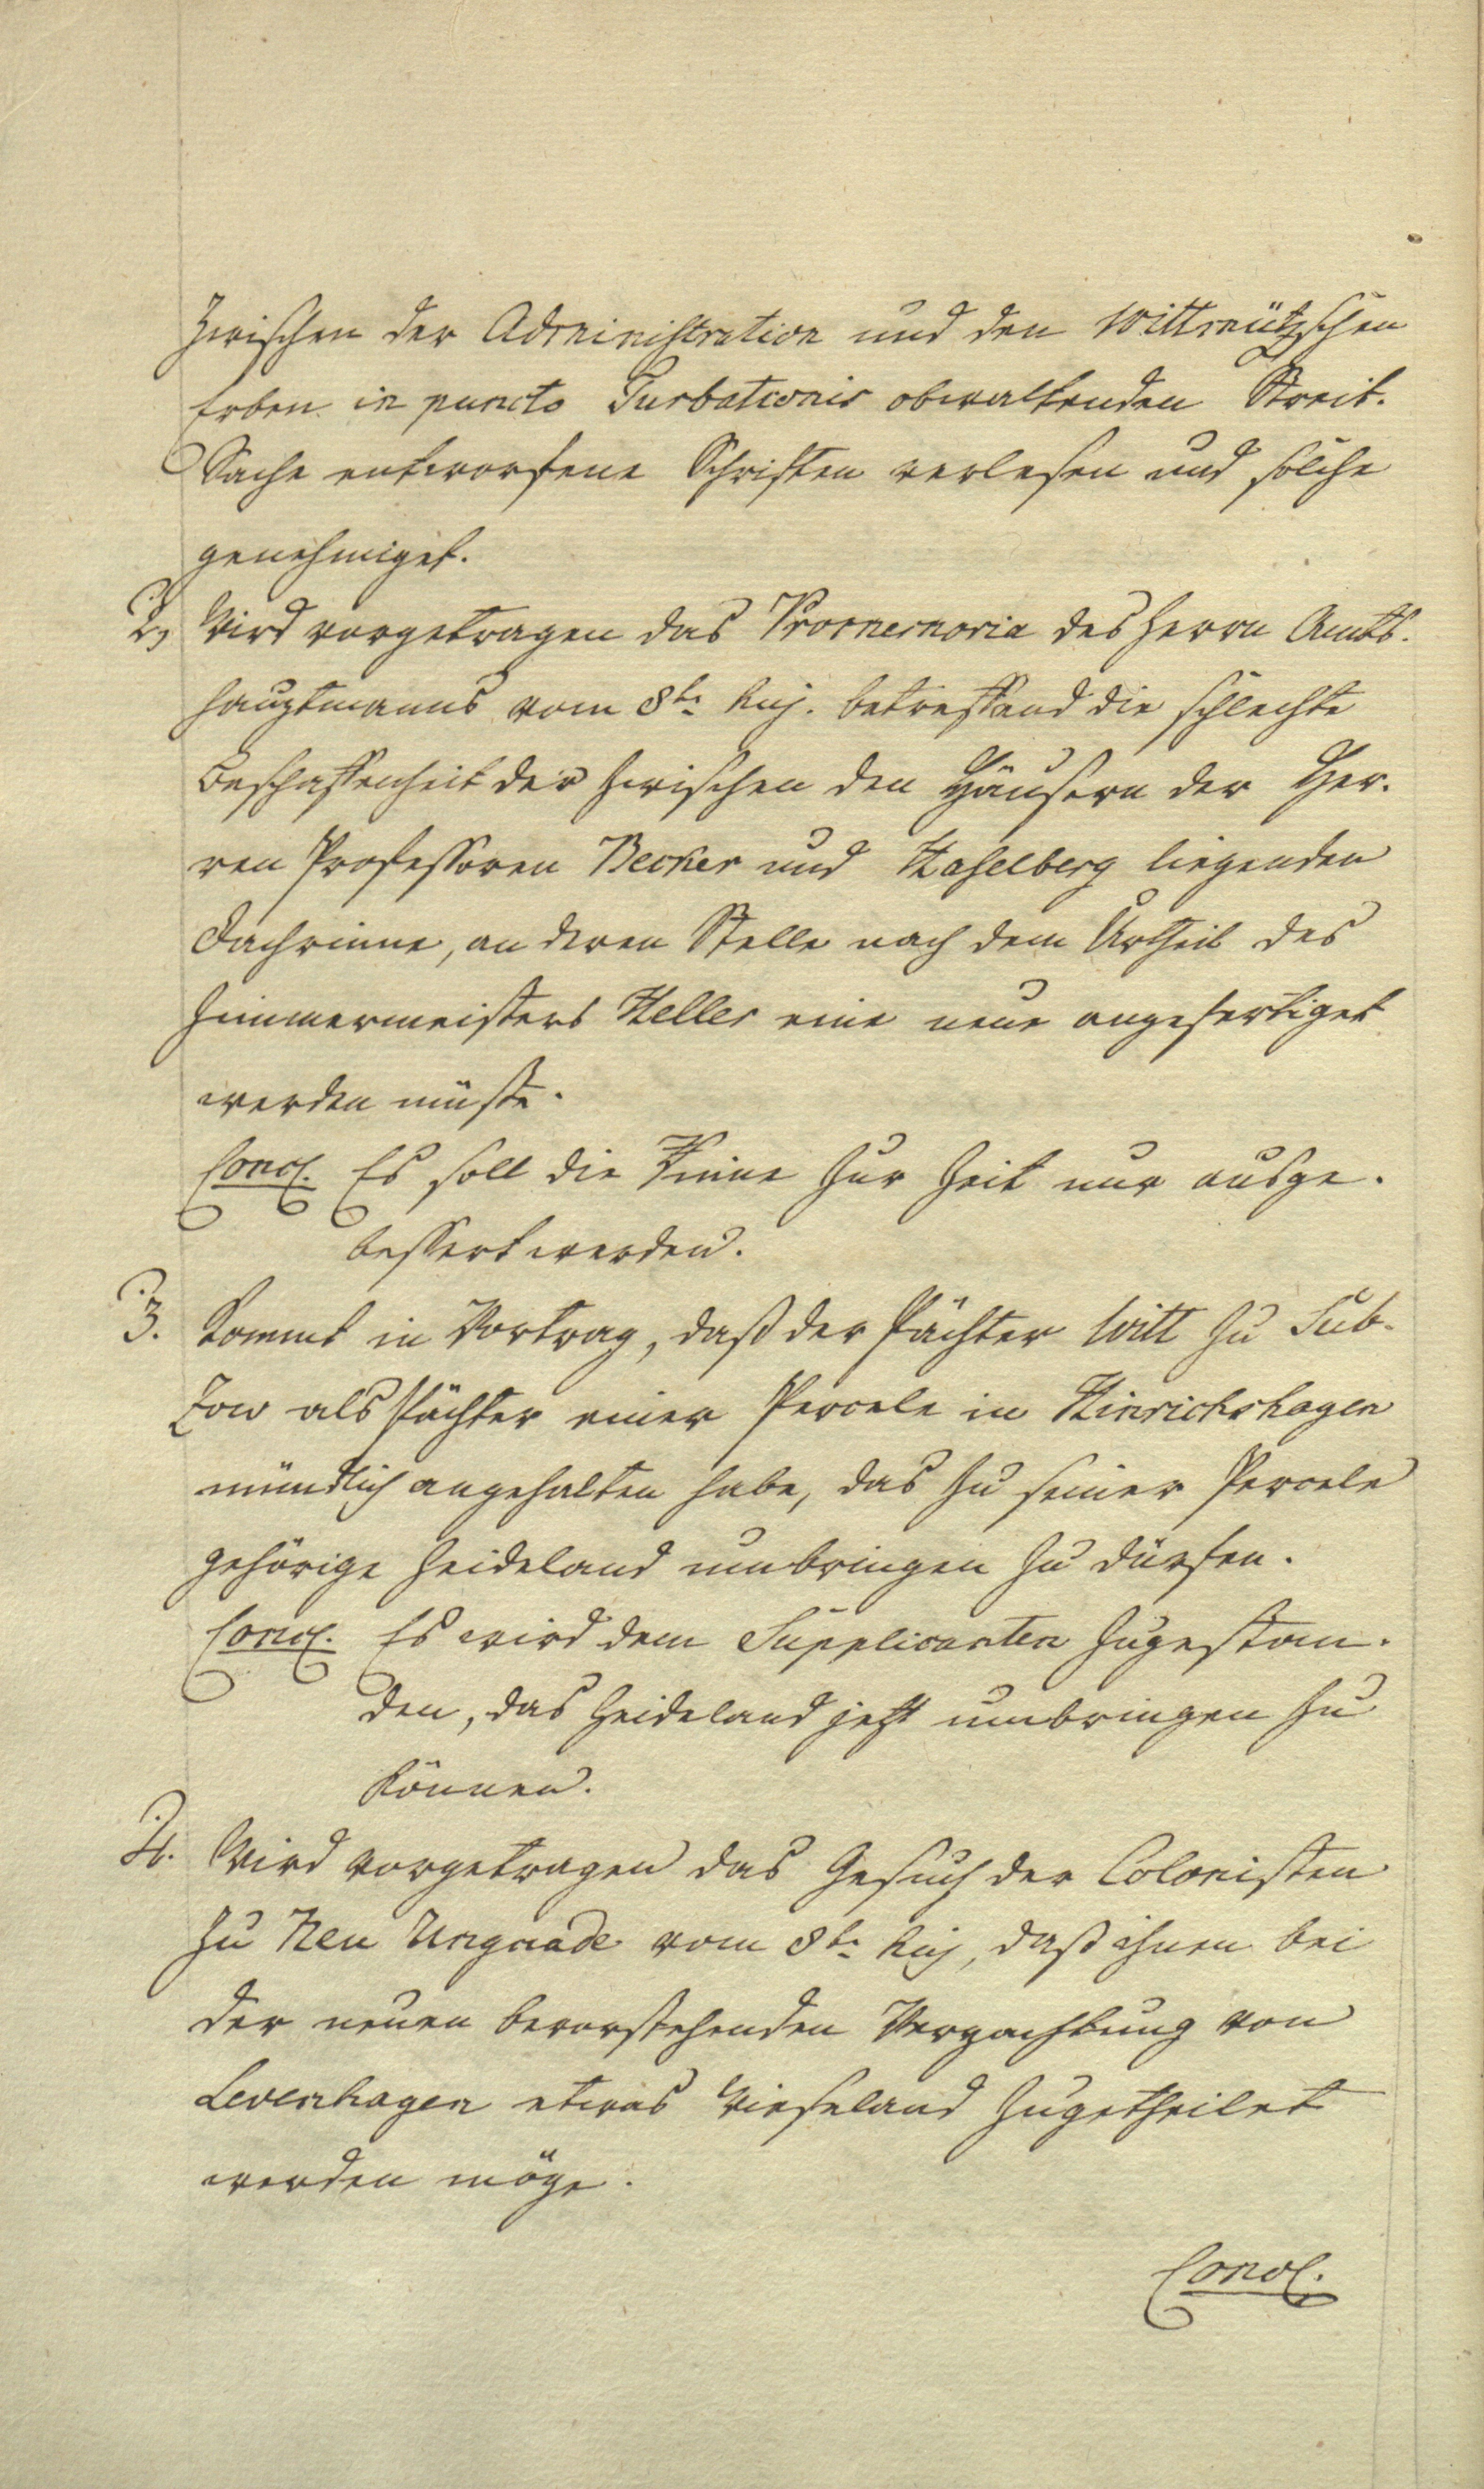zwischen der Administration und dem Wittmützschen
Erben in puncto Turbationis obwaltenden Streit¬
Sache entworfene Schriften verlesen und solche
genehmiget.
2. Wird vorgetragen das Promemoria des Herrn Amts¬
hauptmanns vom 8 te huj. betreffend die schlechte
Beschaffenheit der zwischen den Häusern der Her¬
ren Professoren Becker und Haselberg liegenden
Dachrinne, an deren Stelle nach dem Urtheil des
Zimmermeisters Heller eine neue angefertiget
werden müßte.
Concl. Es soll die Rinne zur Zeit nur ausge¬
bessert werden.
3. Kommt in Vortrag, daß der Pächter Witt zu Sub¬
zow als Pächter einer Percele in Hinrichshagen
mündlich angehalten habe, das zu seiner Percele
gehörige Heideland umbringen zu dürfen.
Concl. Es wird dem Supplicanten zugestan
den, das Heideland jetzt umbringen zu
können.
4. Wird vorgetragen das Gesuch der Colonisten
zu Neu Ungnade vom 8 te huj, daß ihnen bei
der neuen bevorstehenden Verpachtung von
Levenhagen etwas Wieseland zugetheilet
werden möge.
Concl.